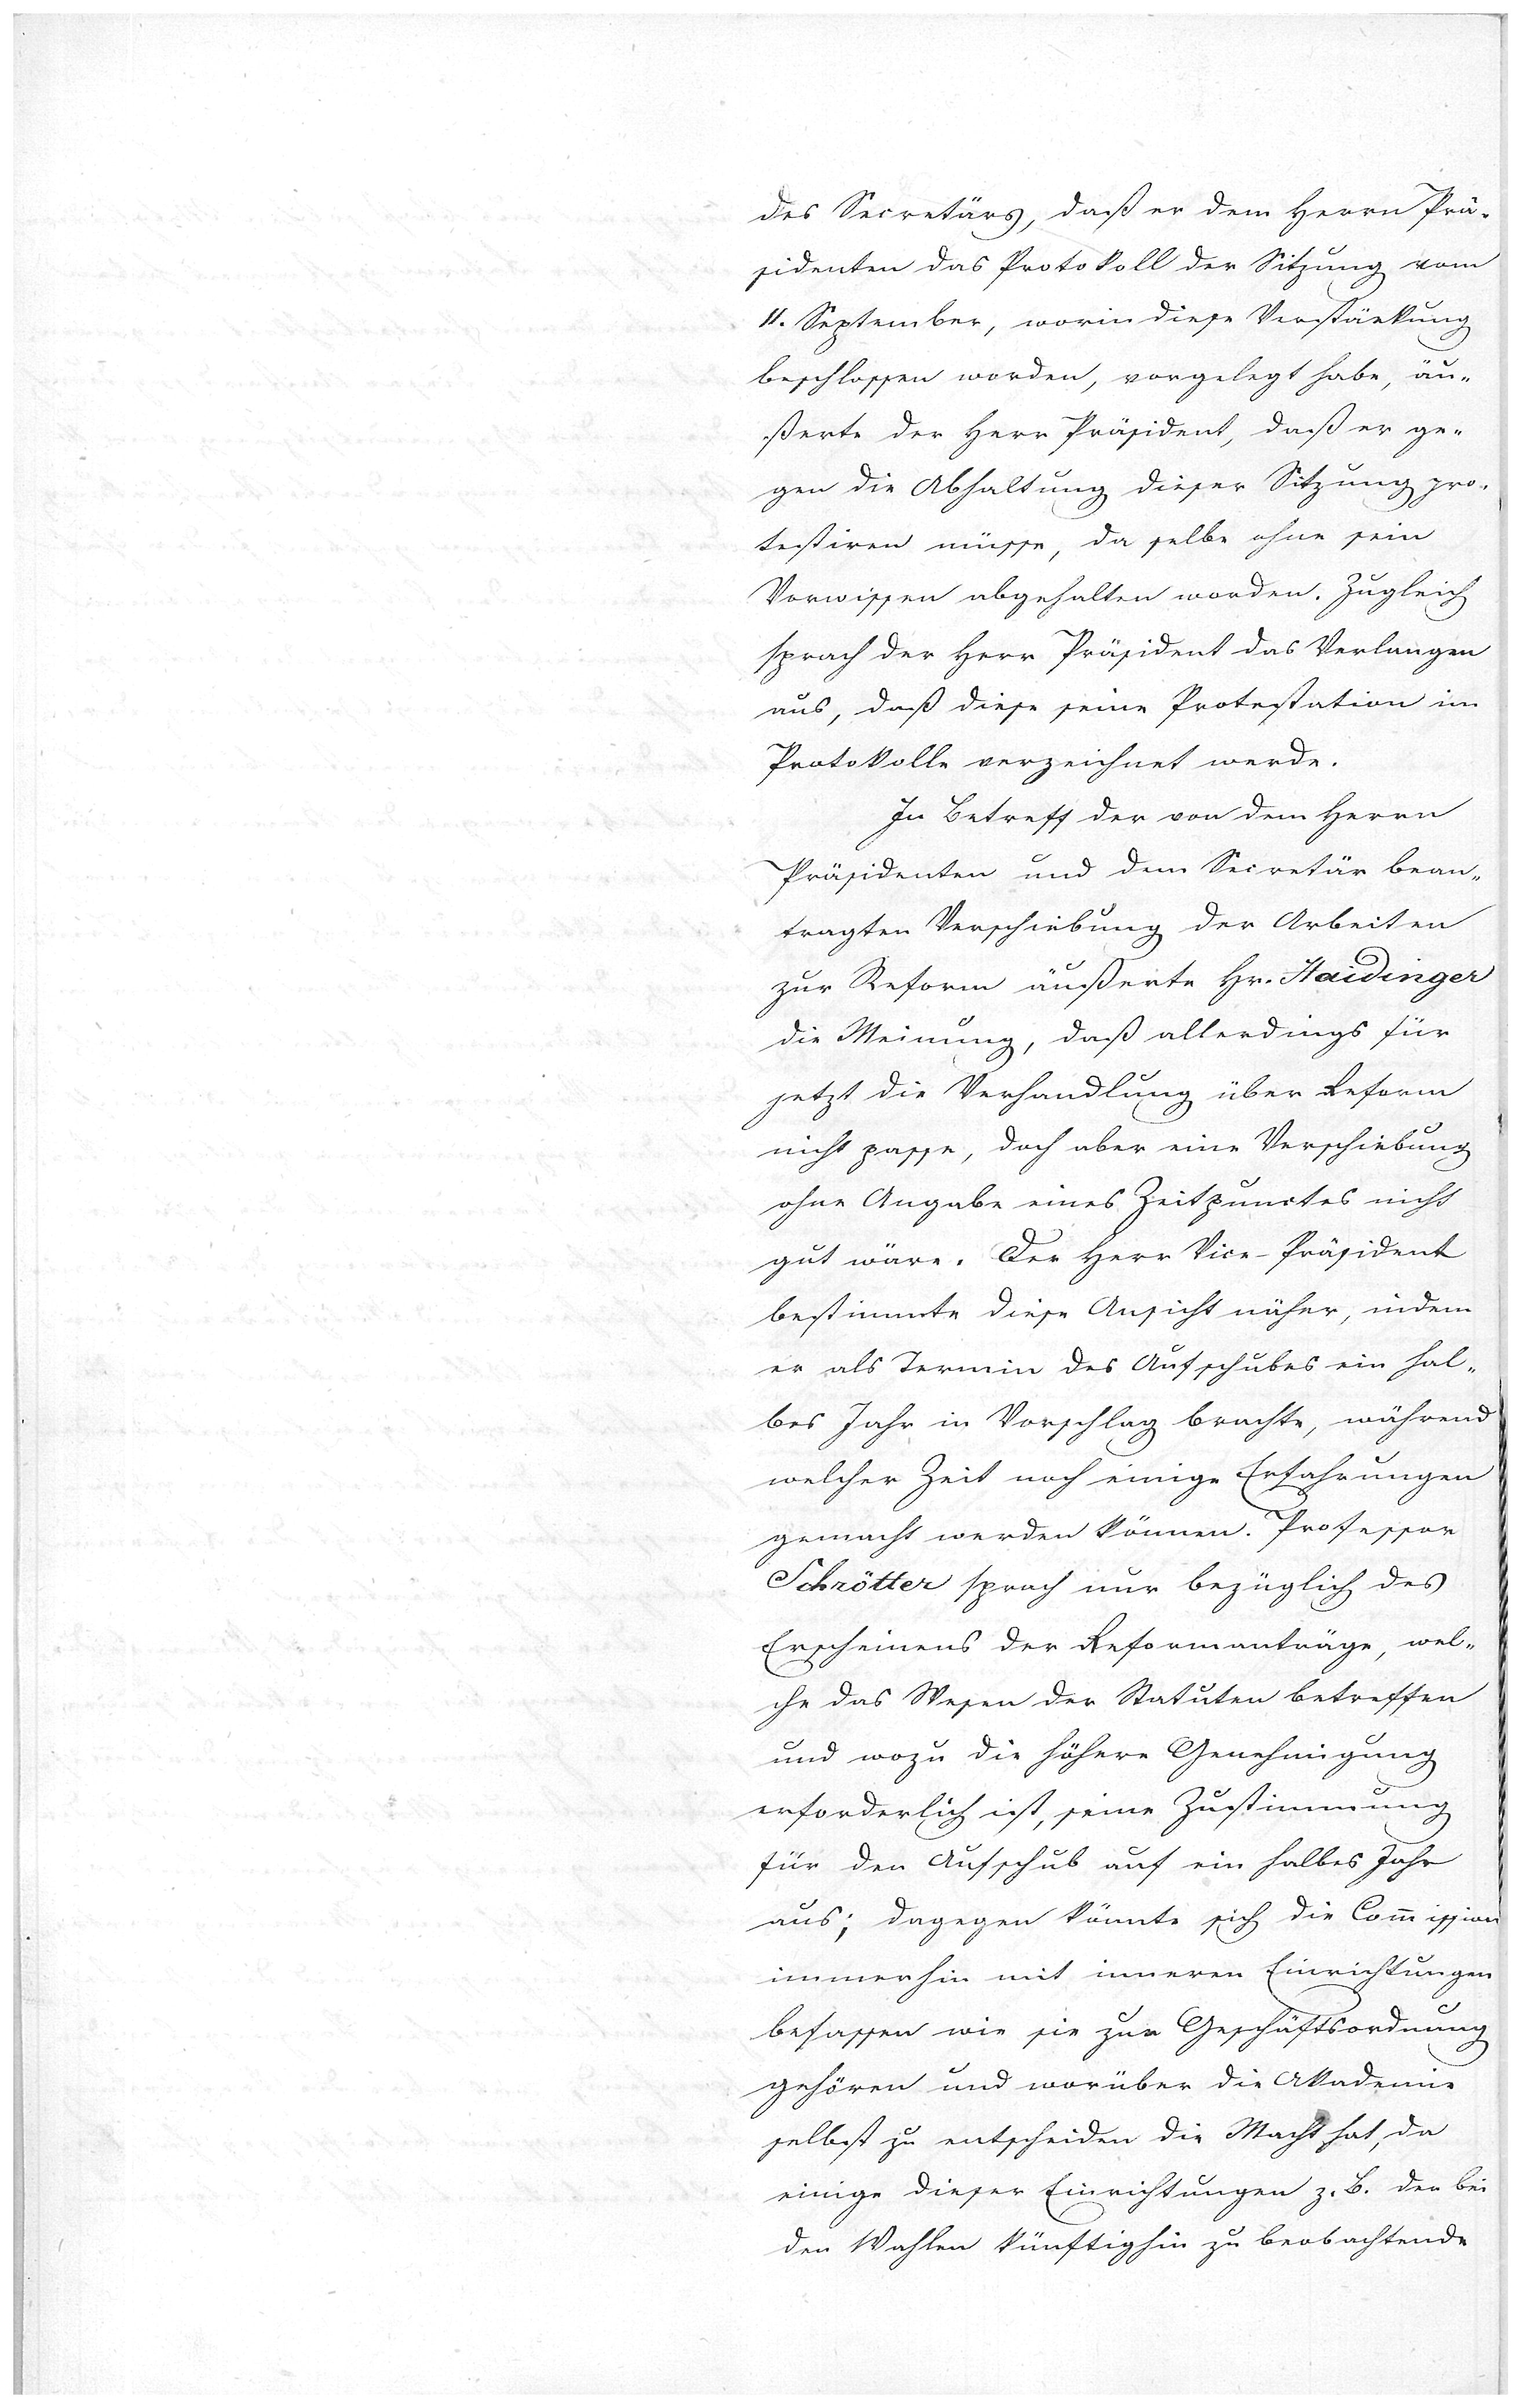des Secretärs, daß er dem Herrn Prä-
sidenten das Protokoll der Sitzung vom
11. Septenber, worin diese Verstärkung
beschlossen worden, vorgelegt habe, äu-
ßerte der Herr Präsident, daß er ge-
gen die Abhaltung dieser Sitzungen pro-
testiren müsse, da selbe ohne sein
Verwissen abgehalten worden. Zugleich
sprach der Herr Präsident das Verlangen
aus, daß diese seine Protestation im
Protokolle verzeichnet werde
In Betreff der von dem Herrn
Präsidenten und dem Secretär bean-
tragten Verschiebung der Arbeiten
zur Reform äußerte Hr. Haidinger
die Meinung, daß allerdings für
jetzt die Verhandlung über Reform
nicht passe, doch aber eine Verschiebung
ohne Angabe eines Zeitpunctes nicht
gut wäre. Der Herr Vice-Präsident
bestimmte diese Ansicht näher, indem
er als Termin des Aufschubes ein hal-
bes Jahr in Vorschlag brachte, während
welcher Zeit noch einige Erfahrungen
gemacht werden können. Professor
Schrötter sprach nur bezüglich des
Erscheinens der Reformanträge, wel-
che das Wesen der Statuten betreffen
und wozu die höheren Genehmigung
erforderlich ist, seine Zustimmung
für den Aufschub auf ein halbes Jahr
aus; dagegen könnte sich die Commission
immerhin mit inneren Einrichtungen
befassen wie sie zur Geschäftsordnung
gehören und worüber die Akademie
selbst zu entschieden die Macht hat, da
einige dieser Einrichtungen z.B. der bei
den Wahlen künftighin zu beobachtende